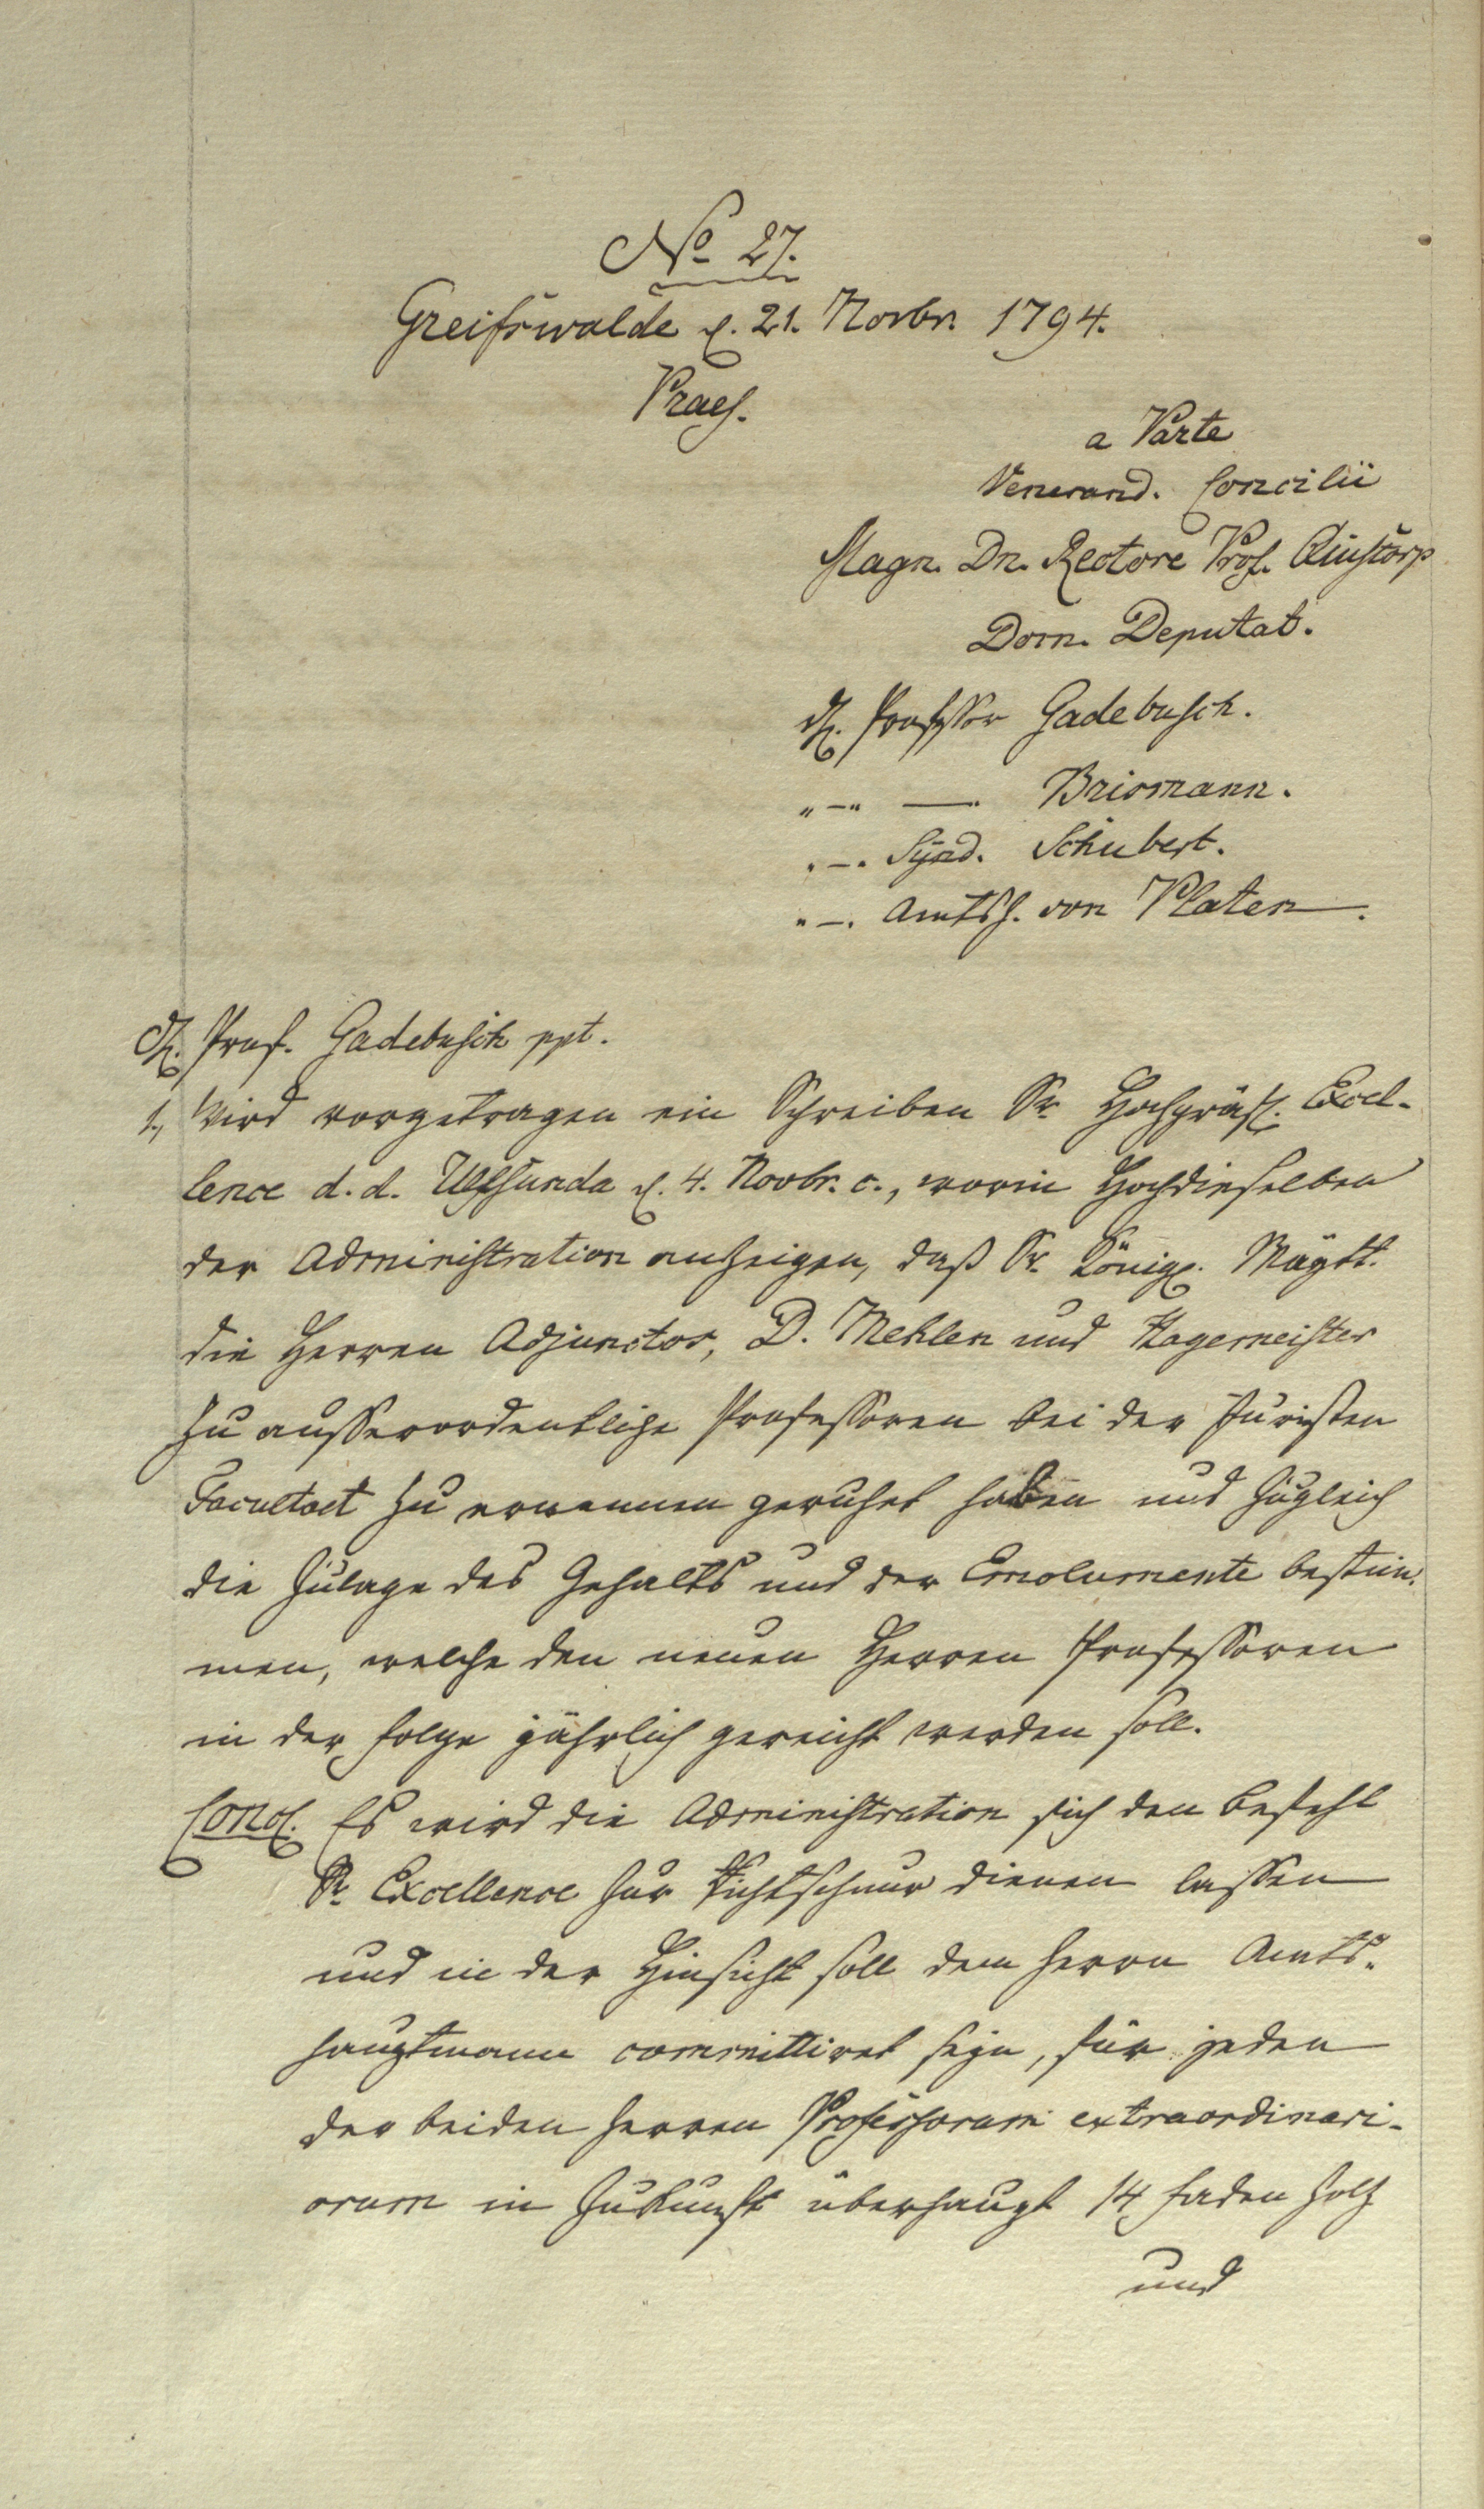No 27 .
Greifswalde d. 21. Novbr. 1794.
Praes.
a Parte
Venerand. Concilii
Magn. Dn. Rectore Prof. Quistorp
Dom. Deputat.
dh. Professor Gadebusch.
Brismann.
Sÿnd. Schubert.
Amtsh. von Platen.
dh. Prof. Gadebusch ppt.
1., Wird vorgetragen ein Schreiben Sr Hochgräfl. Excel¬
lence d. d. Ulfsunda d. 4. Novbr. c., worin Hochdieselben
der Administration anzeigen, daß Sr Königl. Maÿtt.
die Herren Adjunctos, D. Mehlen und Hagemeister
zu ausserordentliche Professoren bei der Juristen
Facultaet zu ernennen geruhet haben und zugleich
die Zulage des Gehalts und der Emolumente bestim¬
men, welche den neuen Herren Professoren
in der Folge jährlich gereicht werden soll.
Concl. Es wird die Administration sich den Befehl
der Excellence zur Richtschnur dienen lassen
und in der Hinsicht soll dem Herrn Amts¬
hauptmann committiret seÿn, für jeden
der beiden Herren Professorum extraordinari¬
orum in Zukunft überhaupt 14. Faden Holz
und